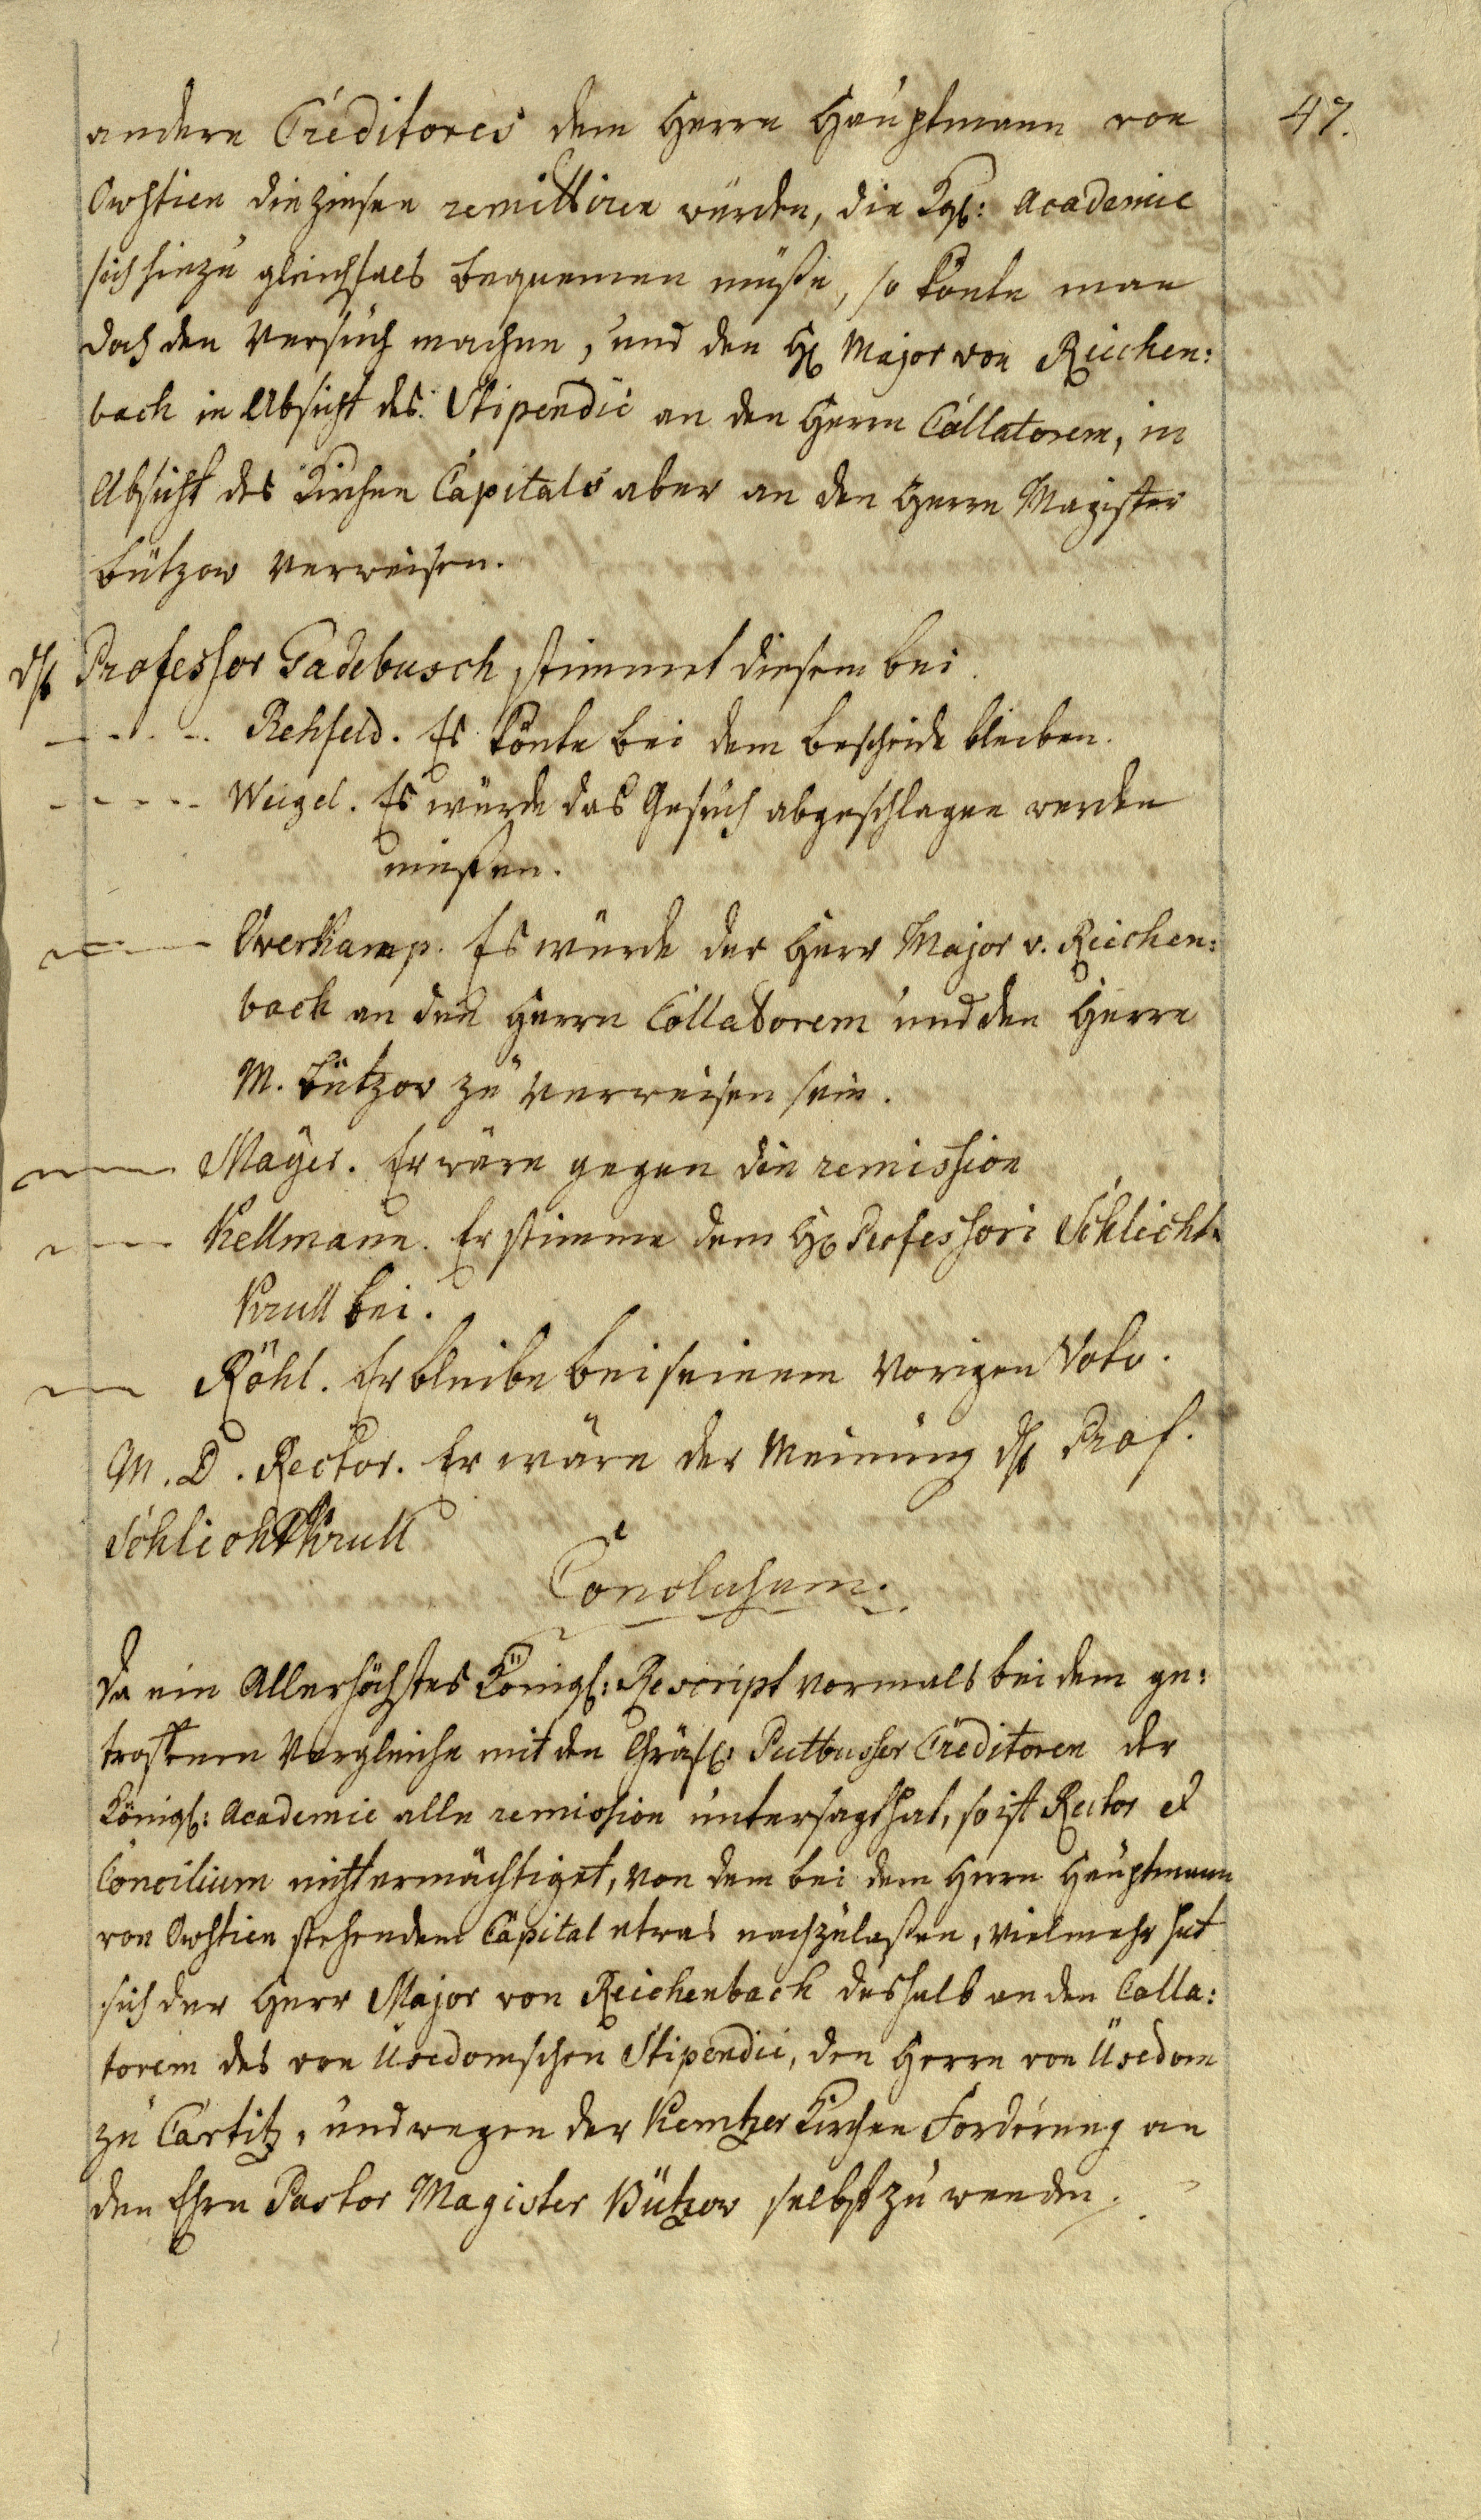andere Creditores dem Herrn Hauptmann von
Owstien die Zinsen remittiren würden, die Kgl. Academie
sich hiezu gleichfals bequemen müße, so könte man
doch den Versuch machen, und den H Major von Reichen¬
bach in Absicht des Stipendii an den Herrn Collatorem, in
Absicht des Kirchen Capitals aber an den Herrn Magister
Lützow verweisen.
dh Professor Gadebusch stimmet diesem bei.
Rehfeld. Es könte bei dem Bescheide bleiben.
Weigel. Es würde das Gesuch abgeschlagen werden
müßen.
Overkamp. Es würde der Herr Major v. Reichen¬
bach an den Herrn Collatorem und den Herrn
M. Lützow zu verweisen sein.
Maÿer. Er wäre gegen die remission
Kellmann. Er stimme dem H Professori Schlicht¬
krull bei.
Röhl. Er bleibe bei seinem vorigen Voto.
M. D. Recor. Er wäre der Meinung dh Prof.
Schlichtkrull.
Conclusum.
Da ein Allerhöchstes Königl. Rescript vormals bei dem ge¬
troffenen Vergleiche mit den Gräfl. Putbusser Creditoren der
Königl. Academie alle remission untersagt hat, so ist Rector et
Concilium nicht ermächtiget, von dem bei dem Herrn Hauptmann
von Owstien stehendem Capital etwas nachzulaßen, vielmehr hat
sich der Herr Major von Reihenbach deshalb an den Colla¬
torem des von Usedomschen Stipendii, den Herrn von Usedom
zu Cartitz, und wegen der Kemtzer Kirchen Forderung an
den Ehrn Pastor Magister Bützow selbst zu wenden.